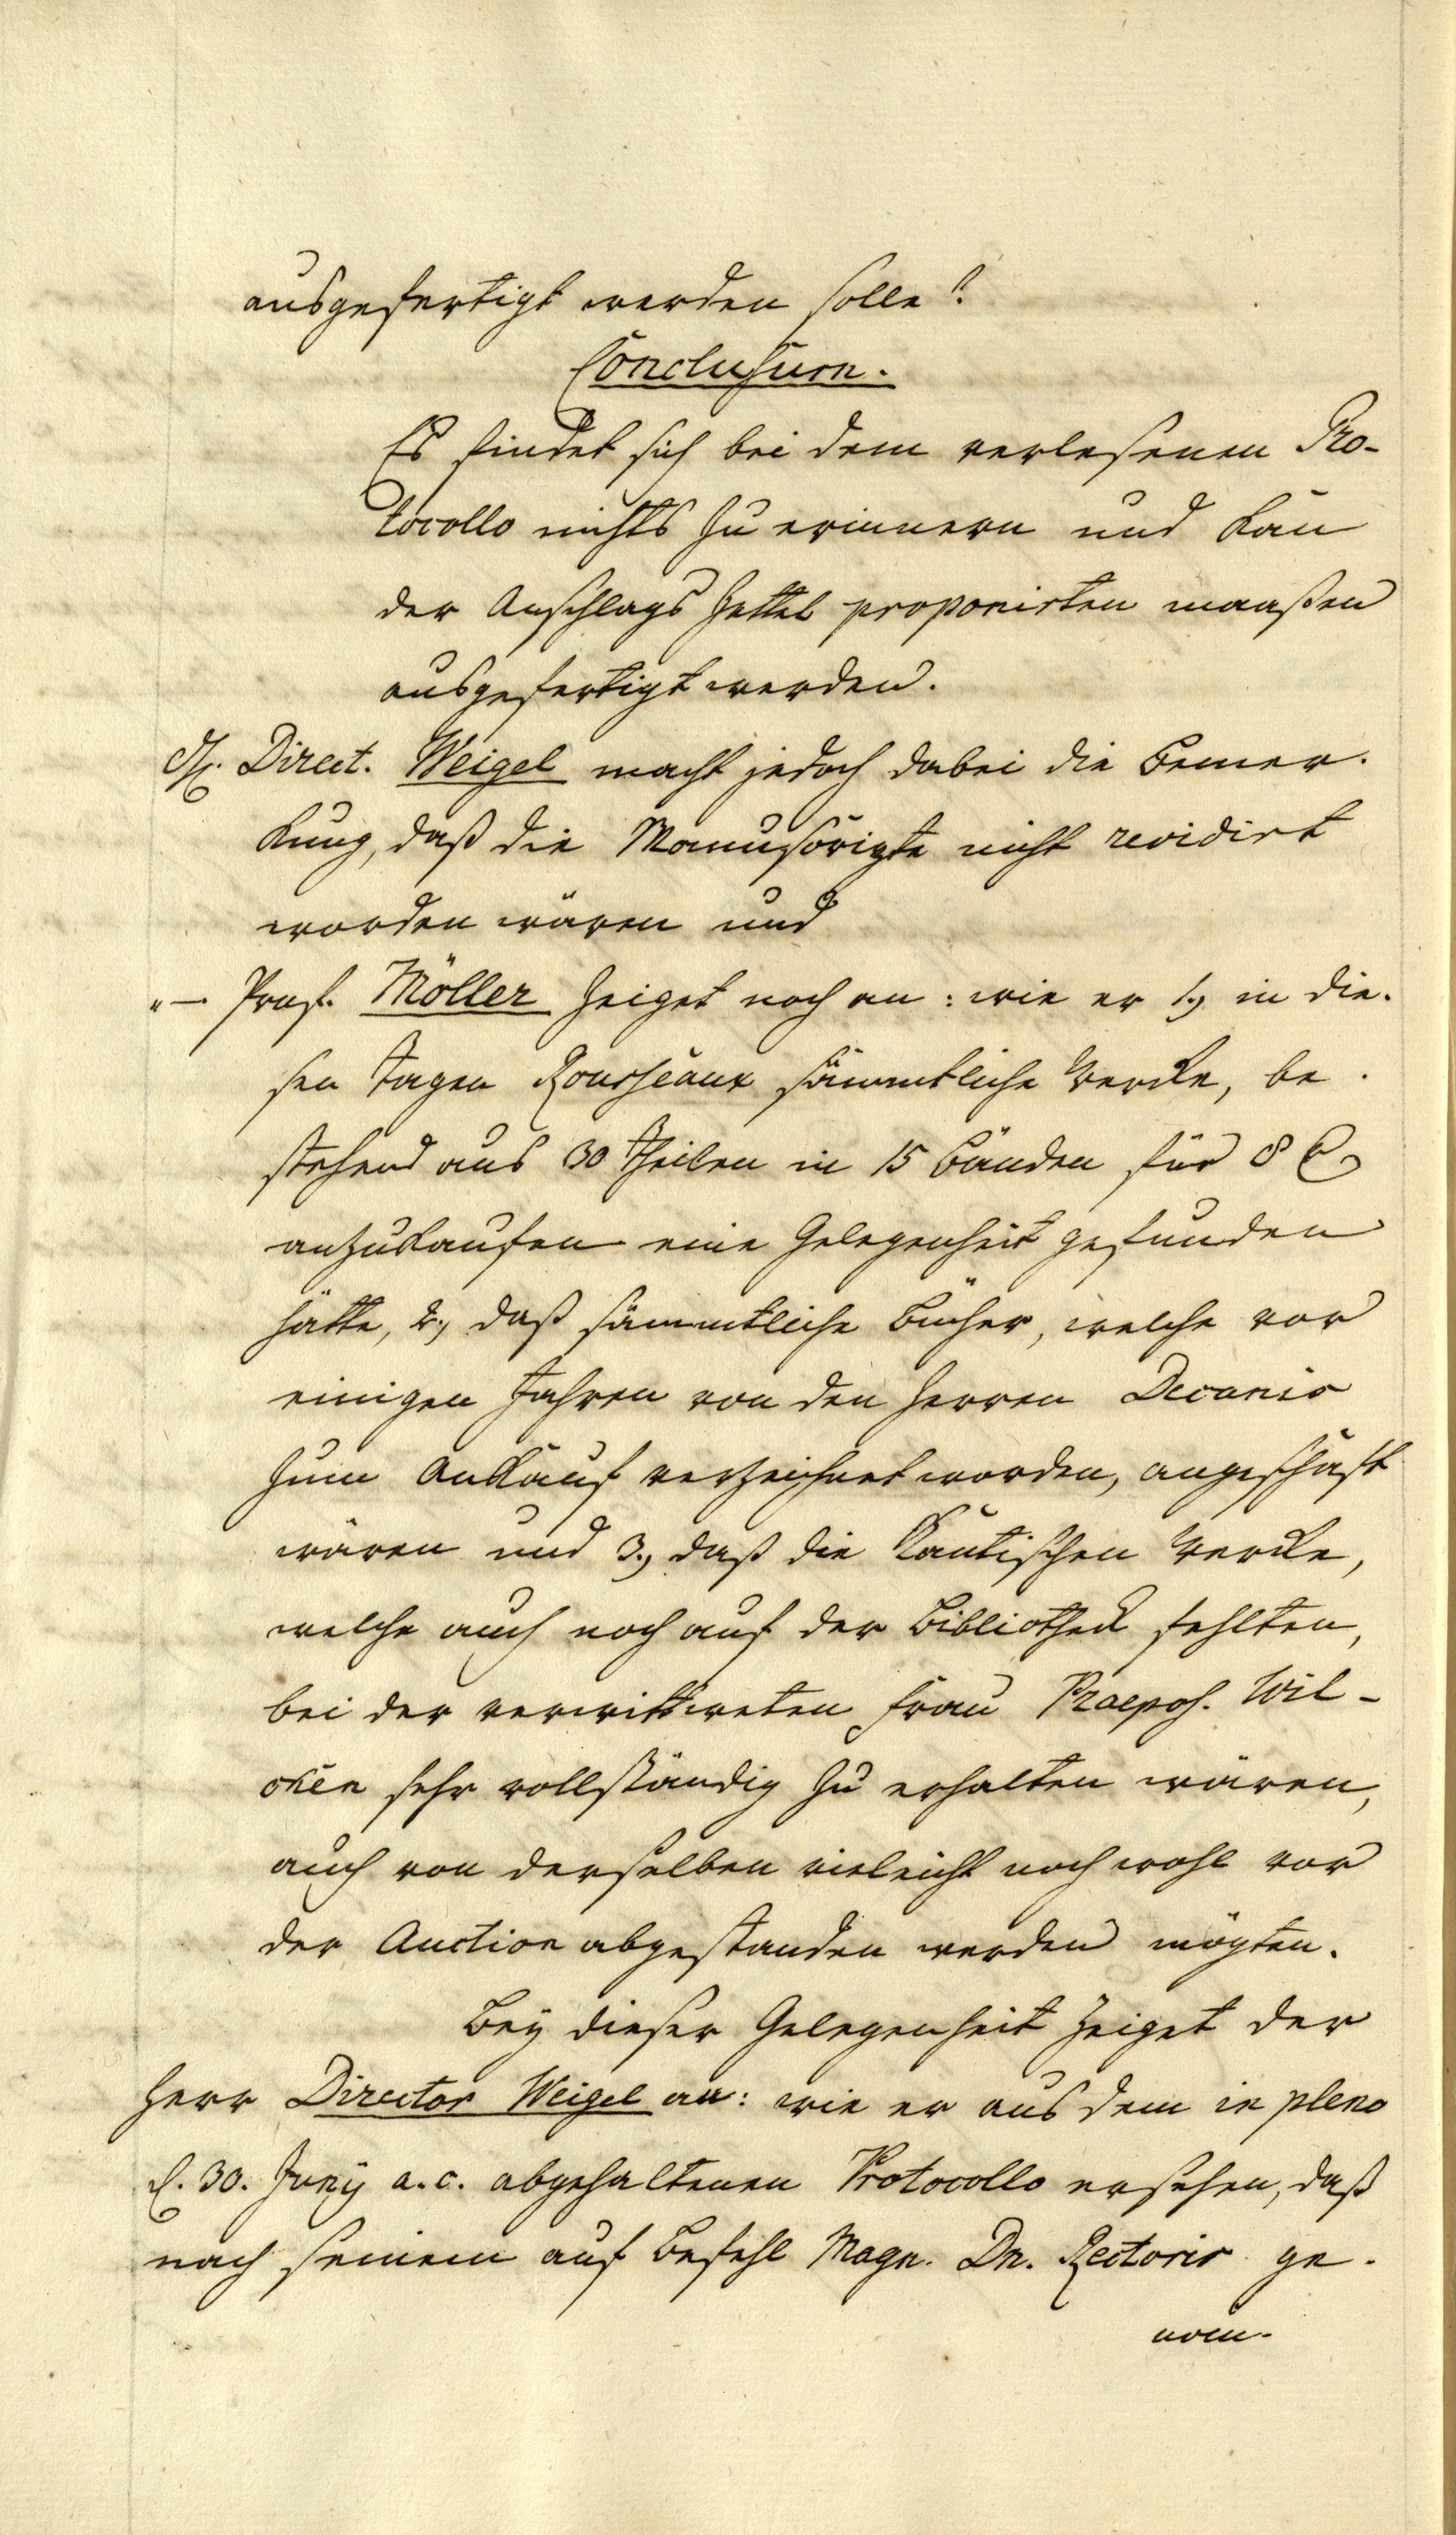ausgefertigt werden solle?
Conclusum.
Es findet sich bei dem verlesenen Pro-
tocollo nichts zu erinnern und kan
der Anschlags Zettel proponirten maaßen
ausgefertigt werden.
dh. Direct. Weigel macht jedoch dabei die Bemer-
kung, daß die Manuscripte nicht revidirt
worden wären und
" - Prof. Möller zeiget noch an: wie er 1., in die-
sen Tagen Rousseaux sämmtliche Werke, be-
stehend aus 30 Theilen in 15 Bänden für 8 rtl
anzukaufen eine Gelegenehit gefunden
hätte, 2., daß sämmtliche Bücher, welche vor
einigen Jahren von den Herren Decanis
zum Ankauf verzeichnet worden, angeschaft
wären und 3., daß die Kantischen Werke,
welche auch noch auf der Bibliothek fehlten,
bei der verwittweten Frau Praepos. Wil-
cken sehr vollständig zu erhalten wären,
auch von derselben vieleicht noch wohl vor
der Auction abgestanden werden mögten.
Bey dieser Gelegenheit zeiget der
Herr Director Weigel an: wie er aus dem in pleno
d. 30. Juny a. c. abgehaltenen protocolle ersehen, daß
nach seinem auf Befehl Magn. Dn. Recotris ge-
nom-